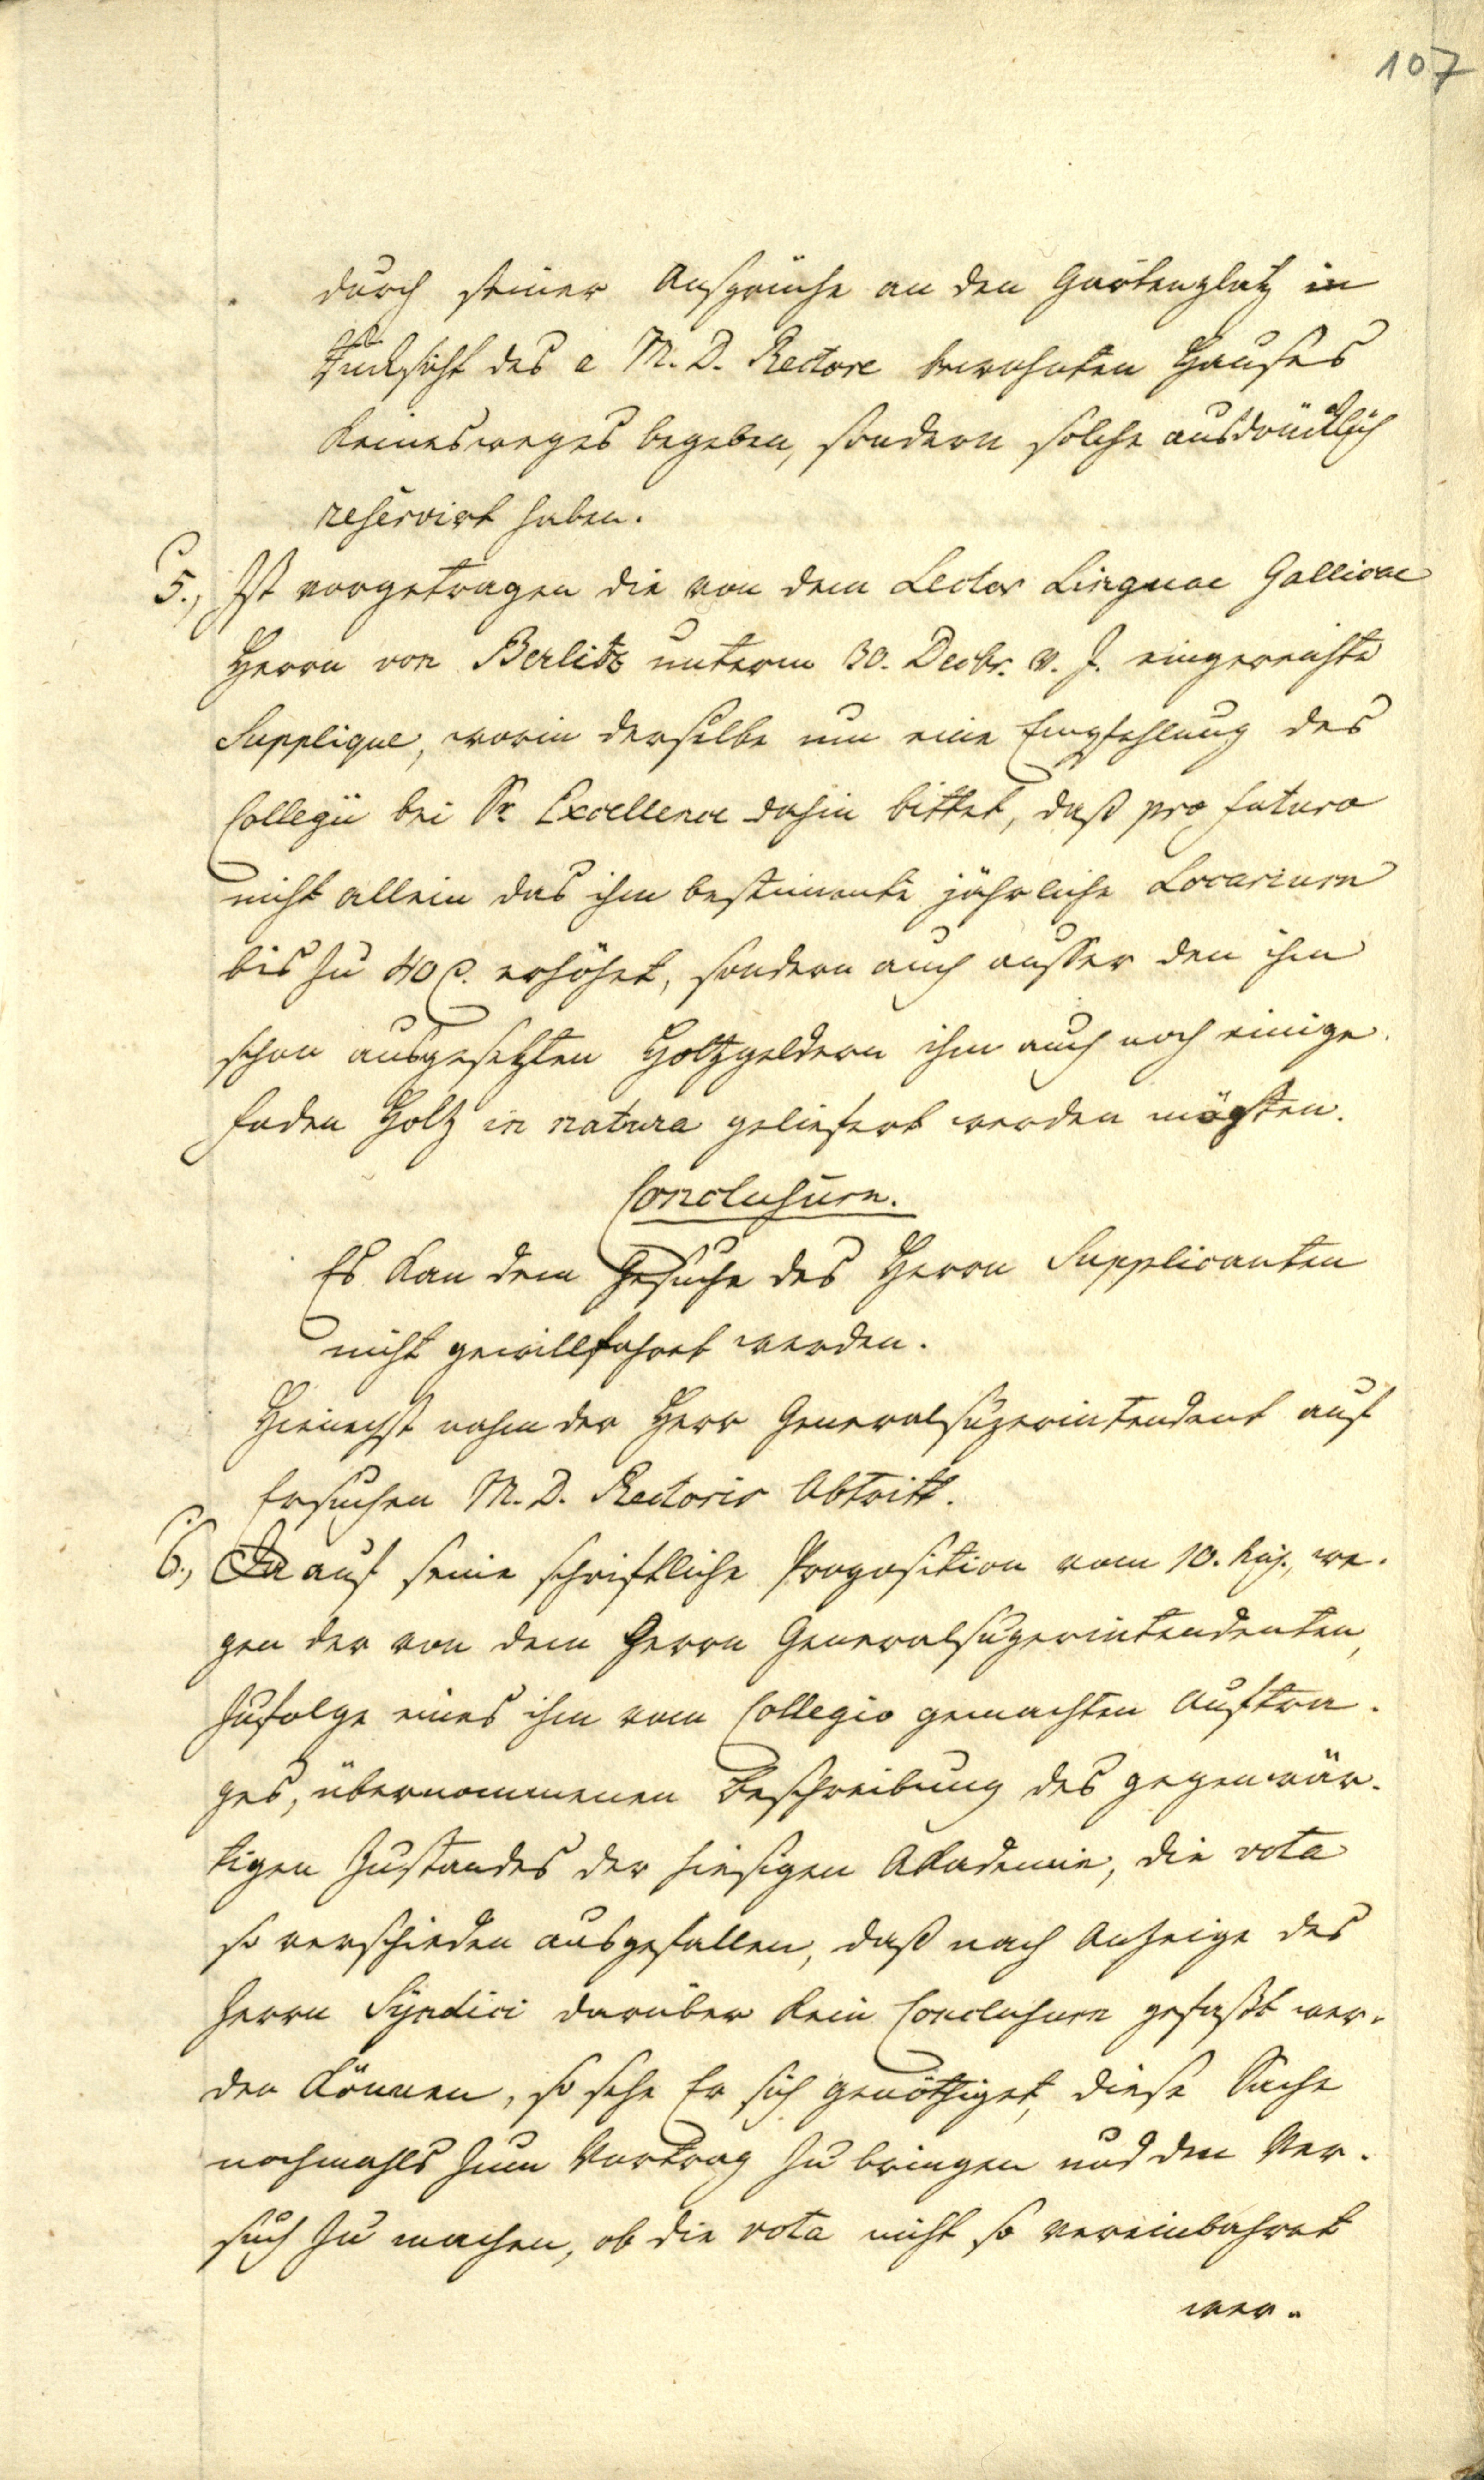durch seiner Ansprüche an den Gartenplatz in
Rücksicht des a M. D. Rector bewohnten Hauses
keinesweges begeben, sondern solche ausdrücklich
reservirt haben.
5., Ist vorgetragen die von dem Lector Linguae Gallicae
Herrn von Berlitz unterm 30. Decbr. v. J. eingereichte
Supplique, worin derselbe um eine Empfehlung des
Collegii bei Sr Excellence dahin bittet, daß pro faturo
nicht allein das ihm bestimmte jährliche Locarium
bis zu 40 l. erhöhet, sondern auch ausser den ihm
schon ausgesetzten Holtzgeldern ihm auch noch einige
Faden Holz in natura geliefert werden mögten.
Conclusum.
Es kan dem Gesuche des Herrn Supplicanten
nicht gewillfahret werden.
Hienechst nahm der Herr Generalsuperintendent auf
Ersuchen M. D. Rectoris Abtritt.
6., Da auf seine schriftliche Proposition vom 10. huj. we¬
gen der von dem Herrn Generalsuperintendenten,
zufolge eines ihm vom Collegio gemachten Auftra¬
des, übernommenen Beschreibung des gegenwär¬
tigen Zustandes der hiesigen Akademie, die vota
so verschieden ausgefallen, daß nach Anzeige des
Herrn Sÿndici darüber kein Conclusum gefaßt wer¬
den können, so sehr Er sich genöthiget, diese Sache
nochmahls zum Vortrag zu bringen und den Ver¬
such zu machen, ob die vota nicht so vereinbahret
wer¬